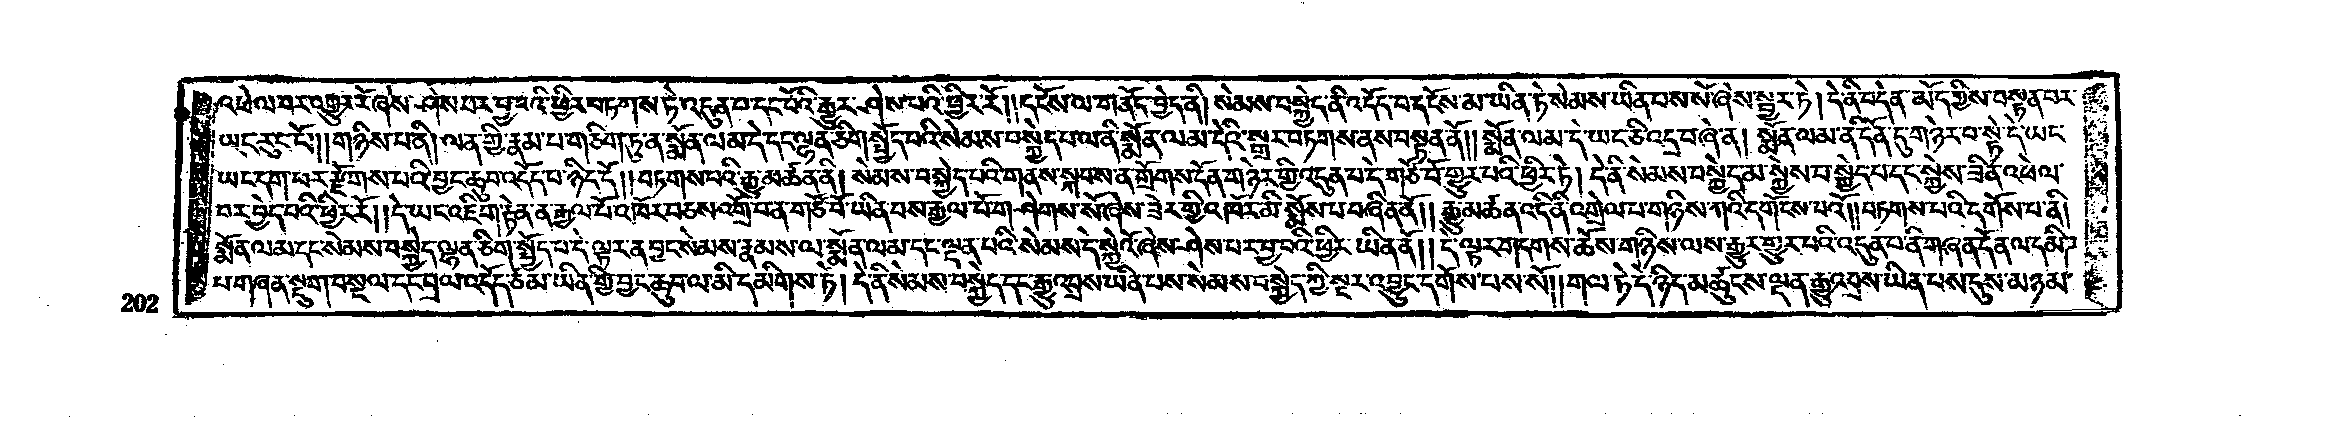འཕེལ་བར་འགྱུར་རོ་ཞེས་ཤེས་པར་བྱ་བའི་ཕྱིར་བཏགས་ཏེ་འདུན་པ་དང་པོའི་རྒྱུར་ཤེས་པའི་ཕྱིར་རོ། །དངོས་ལ་གནོད་བྱེད་ནི། སེམས་བསྐྱེད་ནི་འདོད་པ་དངོས་མ་ཡིན་ཏེ་སེམས་ཡིན་པས་སོ་ཞེས་སྦྱར་ཏེ། དེ་ནི་བདེན་མོད་ཀྱིས་བསྟན་པར་
ཡང་རུང་ངོ། །གཉིས་པ་ནི། ལན་གྱི་རྣམ་པ་གཅིག་ཏུ་ན་སྨོན་ལམ་དེ་དང་ལྷན་ཅིག་སྤྱོད་པའི་སེམས་བསྐྱེད་པ་ལ་ནི་སྨོན་ལམ་དེའི་སྒྲར་བཏགས་ནས་བསྟན་ནོ། །སྨོན་ལམ་དེ་ཡང་ཅི་འདྲ་བ་ཞེ་ན། སྨོན་ལམ་ནི་དོན་དུ་གཉེར་བ་སྟེ་དེ་ཡང་
ཡང་དག་པར་རྫོགས་པའི་བྱང་ཆུབ་འདོད་པ་ཉིད་དོ། །བཏགས་པའི་རྒྱུ་མཚན་ནི། སེམས་བསྐྱེད་པའི་གནས་སྐབས་ན་གྲོགས་དོན་གཉེར་གྱི་འདུན་པ་དེ་གཙོ་བོ་གྱུར་པའི་ཕྱིར་ཏེ། དེ་ནི་སེམས་བསྐྱེད་མ་སྐྱེས་བ་སྐྱེད་པ་དང་སྐྱེས་ཟིན་འཕེལ་
བར་བྱེད་པའི་ཕྱིར་རོ། །དེ་ཡང་འཇིག་རྟེན་ན་རྒྱལ་པོ་འཁོར་བཅས་འགྲོ་བ་ན་གཙོ་བོ་ཡིན་པས་རྒྱལ་པོ་གཤེགས་སོ་ཞེས་ཟེར་གྱི་འཁོར་མི་སྨོས་པ་བཞིན་ནོ། །རྒྱུ་མཚན་འདི་ནི་འགྲེལ་པ་གཉིས་ཀའི་དགོངས་པའོ། །བཏགས་པའི་དགོས་པ་ནི།
སྨོན་ལམ་དང་སེམས་བསྐྱེད་ལྷན་ཅིག་སྤྱོད་པ་དེ་ལྟར་ན་བྱང་སེམས་རྣམས་ལ་སྨོན་ལམ་དང་ལྡན་པའི་སེམས་དེ་སྐྱེའོ་ཞེས་ཤེས་པར་བྱ་བའི་ཕྱིར་ཡིན་ནོ། །དེ་ལྟར་གདགས་ཆོས་གཉིས་ལས་རྒྱུར་གྱུར་པའི་འདུན་པ་ནི་གཞན་དོན་ལ་དམིགས་
པ་གཞན་སྡུག་བསྔལ་དང་བྲལ་འདོད་ཙམ་ཡིན་གྱི་བྱང་ཆུབ་ལ་མི་དམིགས་ཏེ། དེ་ནི་སེམས་བསྐྱེད་དང་རྒྱུ་འབྲས་ཡིན་པས་སེམས་བསྐྱེད་ཀྱི་སྔར་འབྱུང་དགོས་པས་སོ། །གལ་ཏེ་དེ་ཉིད་མཚུངས་ལྡན་རྒྱུ་འབྲས་ཡིན་པས་དུས་མཉམ་